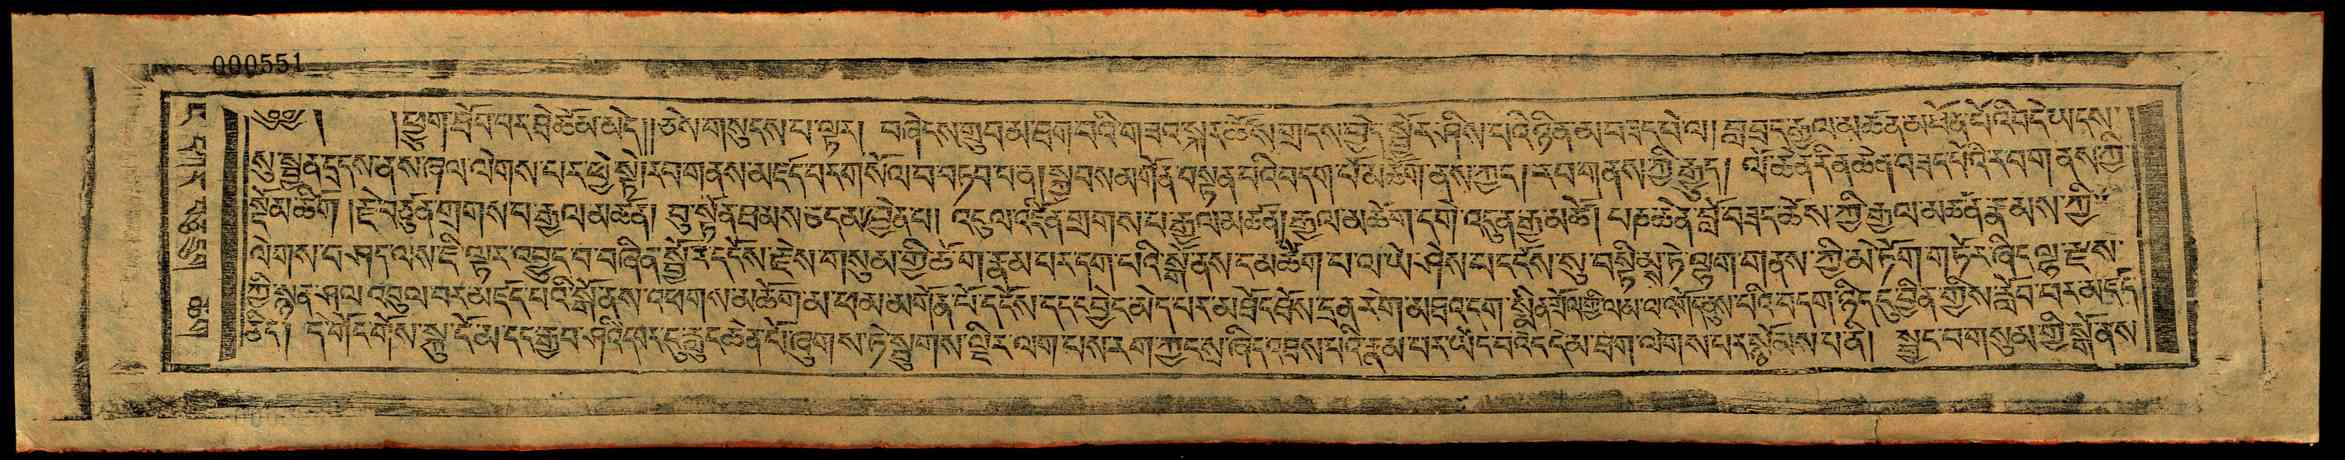༄༅། །ཕྱུག་ཐོབ་པར་ཐེ་ཚོམ་མེད། །ཅེས་གསུངས་པ་ལྟར། བཞེངས་གྲུབ་མ་ཐག་པའི་གཟའ་སྐར་ཚེས་གྲངས་བྱེད་སྦྱོར་ཤིས་པའི་ཉིན་མ་བཟང་པ་ལ། བླ་བྲང་རྒྱལ་མཚན་མཐོན་པོའི་བདེ་ཡངས་
སུ་སྤྱན་དྲངས་ནས་ཞལ་ལེགས་པར་ཕྱེ་སྟེ། རབ་གནས་མཛད་པར་གསོལ་བ་བཏབ་པ་ན། སྐྱབས་མགོན་བསྟན་པའི་བདག་པོ་མཆོག་ནས་ཀྱང་། རབ་གནས་ཀྱི་རྒྱུད། ལོ་ཆེན་རིན་ཆེན་བཟང་པོའི་རབ་གནས་ཀྱི་
སྡོམ་ཚིག། །རྗེ་བཙུན་གྲགས་པ་རྒྱལ་མཚན། བུ་སྟོན་ཐམས་ཅད་མཁྱེན་པ། འདུལ་འཛིན་གྲགས་པ་རྒྱལ་མཚན། རྒྱལ་མཆོག་དགེ་འདུན་རྒྱ་མཚོ། པཎ་ཆེན་བློ་བཟང་ཆོས་ཀྱི་་་རྒྱལ་མཚན་རྣམས་ཀྱིས་
ལེགས་བཤད་ལས་ཇི་ལྟར་འབྱུང་བ་བཞིན་སྦྱོར་དངོས་རྗེས་གསུམ་གྱི་ཆོ་ག་རྣམ་པར་དག་པའི་སྒོ་ནས་དམ་ཚིག་པ་ལ་ཡེ་ཤེས་པ་དངོས་སུ་བསྟིམས་ཏེ་ལྷག་གནས་ཀྱི་མེ་ཏོག་གཏོར་ཞིང་ལྷ་རྫས་
ཀྱི་སྙན་ཤལ་འབུལ་བར་མཛད་པའི་སྒོ་ནས་འཕགས་མཆོག་མི་ཕམ་མགོན་པོ་དངོས་དང་དབྱེར་མེད་པར་མཐོང་ཐོས་དྲན་རེག་མཐའ་དག་སྨིན་གྲོལ་གྱི་ལམ་ལ་འགོད་ནུས་པའི་བདག་ཉིད་དུ་བྱིན་གྱིས་རློབ་པར་མཛད་
ཅིང་། དེ་གོང་གོས་སྐུ་ངོ་མ་དང་རྒྱབ་ཤའི་དབར་དུ་རླུང་ཆེན་པོ་ཞུགས་ཏེ་སྦུགས་ལྡིར་ལག་པས་རེག་ཀྱང་སྲ་ཞིང་འཐས་པའི་རྣམ་པར་ཡོད་པའང་དེ་མ་ཐག་ལེགས་པར་སྙོམས་པ་ནི། སྦྱང་བ་གསུམ་གྱི་སྒོ་ནས་